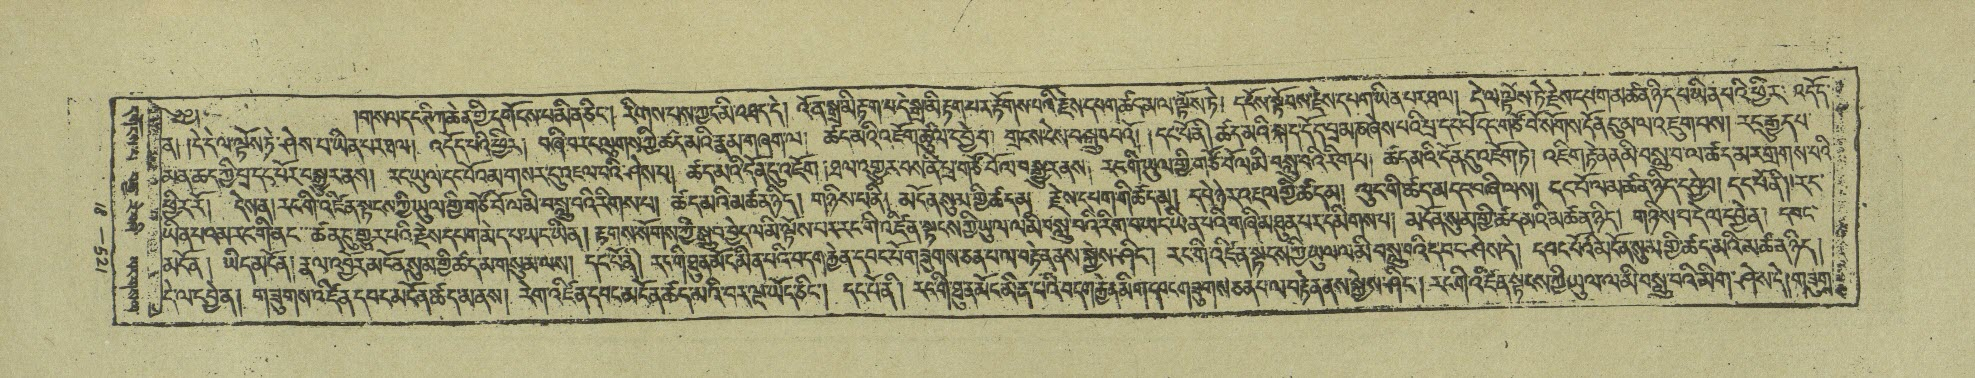༄༅། །གསལ་དང་ཊིཀ་ཆེན་གྱི་དགོངས་པ་མིན་ཅིང་། རིགས་པས་ཀྱང་མི་འཐད་དེ། འོ་ན་སྒྲ་མི་རྟག་པ་དེ་སྒྲ་མི་རྟག་པར་རྟོགས་པའི་རྗེས་དཔག་ཚད་མ་ལ་ལྟོས་ཏེ། དངོས་སྟོབས་རྗེས་དཔག་ཡིན་པར་ཐལ། དེ་ལ་ལྟོས་ཏེ་རྗེས་དཔག་མཚན་ཉིད་པ་ཡིན་པའི་ཕྱིར། འདོད་
ན། །དེ་དེ་ལ་ལྟོས་ཏེ་ཤེས་པ་ཡིན་པར་ཐལ། འདོད་པའི་ཕྱིར། བཞི་པ་རང་ལུགས་ཀྱི་ཚད་མའི་རྣམ་གཞག་ལ། ཚད་མའི་འཇོག་ཚུལ་དབྱེ་བ། གྲངས་ངེས་བསྒྲུབ་པའོ། །དང་པོ་ནི། ཚད་མའི་སྐད་དོད་བྲ་མ་ཎ་ཞེས་པའི་པྲ་དང་པོ་དང་གཙོ་བོ་སོགས་དོན་དུ་མ་ལ་འཇུག་པས། རང་རྒྱུད་པ་
ཕྱིན་ཆད་ཀྱི་པྲ་དང་པོར་བསྒྱུར་ནས། རང་ཡུལ་དང་པོའམ་གསར་དུ་འཇལ་བའི་ཤེས་པ། ཚད་མའི་དོན་དུ་འཇོག །ཐལ་འགྱུར་བས་ནི་པྲ་གཙོ་བོ་ལ་བསྒྱུར་ནས། རང་གི་ཡུལ་གྱི་གཙོ་བོ་ལ་མི་བསླུ་བའི་རིག་པ། ཚད་མའི་དོན་དུ་འཇོག་ཏེ། འཇིག་རྟེན་ན་མི་བསླུ་བ་ལ་ཚད་མར་གྲགས་པའི་
ཕྱིར་རོ། །དེས་ན། རང་གི་འཛིན་སྟངས་ཀྱི་ཡུལ་གྱི་གཙོ་བོ་ལ་མི་བསླུ་བའི་རིགས་པ། ཚད་མའི་མཚན་ཉིད། གཉིས་པ་ནི། མངོན་སུམ་གྱི་ཚད་མ། རྗེས་དཔག་གི་ཚད་མ། དཔེ་ཉེར་འཇལ་གྱི་ཚད་མ། ལུང་གི་ཚད་མ་དང་བཞི་ལས། དང་པོ་ལ་མཚན་ཉིད་དབྱེ་བ། དང་པོ་ནི། རང་
ཡིན་པའམ་རང་གི་ནང་ཚན་དུ་གྱུར་པའི་རྗེས་དཔག་མེད་པ་ཡང་ཡིན། རྟགས་སོགས་ཀྱི་སྒྲུབ་བྱེད་ལ་མི་ལྟོས་པར་རང་གི་འཛིན་སྟངས་ཀྱི་ཡུལ་ལ་མི་བསླུ་བའི་རིག་པ་ཡང་ཡིན་པའི་གཞི་མཐུན་པར་དམིགས་པ། མངོན་སུམ་གྱི་ཚད་མའི་མཚན་ཉིད། གཉིས་པ་དེ་ལ་དབྱེ་ན། དབང་
མངོན། ཡིད་མངོན། རྣལ་འབྱོར་མངོན་སུམ་གྱི་ཚད་མ་གསུམ་ལས། དང་པོ་ནི། རང་གི་ཐུན་མོང་མིན་པའི་བདག་རྐྱེན་དབང་པོ་གཟུགས་ཅན་པ་ལ་བརྟེན་ནས་སྐྱེས་ཤིང་། རང་གི་འཛིན་སྟངས་ཀྱི་ཡུལ་ལ་མི་བསླུ་བའི་དབང་ཤེས་དེ། དབང་པོའི་མངོན་སུམ་གྱི་ཚད་མའི་མཚན་ཉིད།
དེ་ལ་དབྱེ་ན། གཟུགས་འཛིན་དབང་མངོན་ཚད་མ་ནས། རེག་འཛིན་དབང་མངོན་ཚད་མའི་བར་ལྔ་ཡོད་ཅིང་། དང་པོ་ནི། རང་གི་ཐུན་མོང་མིན་པའི་བདག་རྐྱེན་མིག་དབང་གཟུགས་ཅན་པ་ལ་བརྟེན་ནས་སྐྱེས་ཤིང་། རང་གི་འཛིན་སྟངས་ཀྱི་ཡུལ་ལ་མི་བསླུ་བའི་མིག་ཤེས་དེ། གཟུགས་